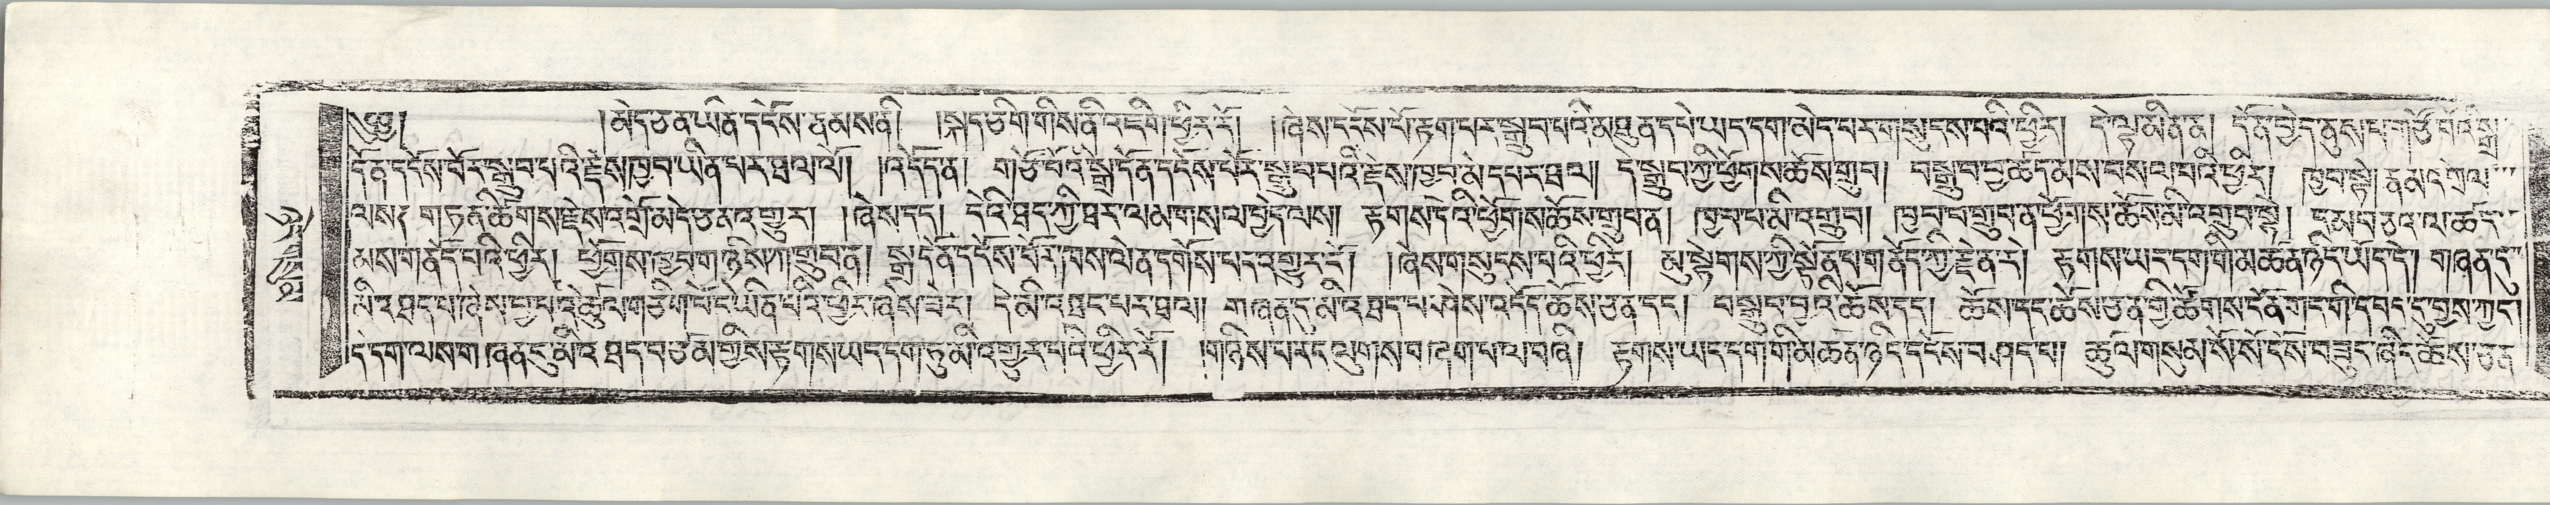༄༅། །མེད་ཅན་ཡིན་དངོས་རྣམས་ནི། །སྐད་ཅིག་གིས་ནི་འཇིག་ཕྱིར་རོ། །ཞེས་དངོས་པོ་རྟག་པར་སྒྲུབ་པའི་མཐུན་དཔེ་ཡང་དག་མེད་པར་གསུངས་པའི་ཕྱིར། དེ་ལྟ་མིན་ན། དོན་བྱེད་ནུས་པ་གཙོ་བོའི་སྒྲ་
དོན་དངོས་པོར་སྒྲུབ་པའི་རྗེས་ཁྱབ་ཡིན་པར་ཐལ་ལོ། །འདོད་ན། གཙོ་བོའི་སྒྲ་དོན་དངོས་པོར་སྒྲུབ་པའི་རྗེས་ཁྱབ་མེད་པར་ཐལ། དེ་སྒྲུབ་ཀྱི་ཕྱོགས་ཆོས་གྲུབ། བསྒྲུབ་བྱ་ཚད་མས་བསལ་པའི་ཕྱིར། ཁྱབ་སྟེ། རྣམ་འགྲེལ་
ལས། གཏན་ཚིགས་རྗེས་འགྲོ་མེད་ཅན་འགྱུར། །ཞེས་དང་། དེའི་ཐད་ཀྱི་ཐར་ལམ་གསལ་བྱེད་ལས། རྟགས་དེའི་ཕྱོགས་ཆོས་གྲུབ་ན། ཁྱབ་པ་མི་འགྲུབ། ཁྱབ་པ་གྲུབ་ན་ཕྱོགས་ཆོས་མི་འགྲུབ་སྟེ། དམ་བཅའ་ལ་ཚད་
མས་གནོད་པའི་ཕྱིར། ཕྱོགས་ཁྱབ་གཉིས་ཀ་གྲུབ་ན། སྒྲ་དོན་དངོས་པོར་ཁས་ལེན་དགོས་པར་འགྱུར་རོ། །ཞེས་གསུངས་པའི་ཕྱིར། མུ་སྟེགས་ཀྱི་སྟོན་པ་གནོད་ཀྱི་རྗེ་ན་རེ། རྟགས་ཡང་དག་གི་མཚན་ཉིད་ཡོད་དེ། གཞན་དུ་
མི་འཐད་པ་ཞེས་བྱ་བའི་ཚུལ་གཅིག་པོ་དེ་ཡིན་པའི་ཕྱིར་ཞེས་ཟེར། དེ་མི་འཐད་པར་ཐལ། གཞན་དུ་མི་འཐད་པ་ཤེས་འདོད་ཆོས་ཅན་དང་། བསྒྲུབ་བྱའི་ཆོས་དང་། ཆོས་དང་ཆོས་ཅན་གྱི་ཚོགས་དོན་གང་གི་དབང་དུ་བྱས་ཀྱང་།
དེ་དག་ལས་གཞན་དུ་མི་འཐད་པ་ཙམ་གྱིས་རྟགས་ཡང་དག་ཏུ་མི་འགྱུར་བའི་ཕྱིར་རོ། །གཉིས་པ་རང་ལུགས་བཞག་པ་ལ་བཞི། རྟགས་ཡང་དག་གི་མཚན་ཉིད་དངོས་བཤད་པ། ཚུལ་གསུམ་སོ་སོ་ངོས་བཟུང་ཞིང་ཆོས་ཅན་